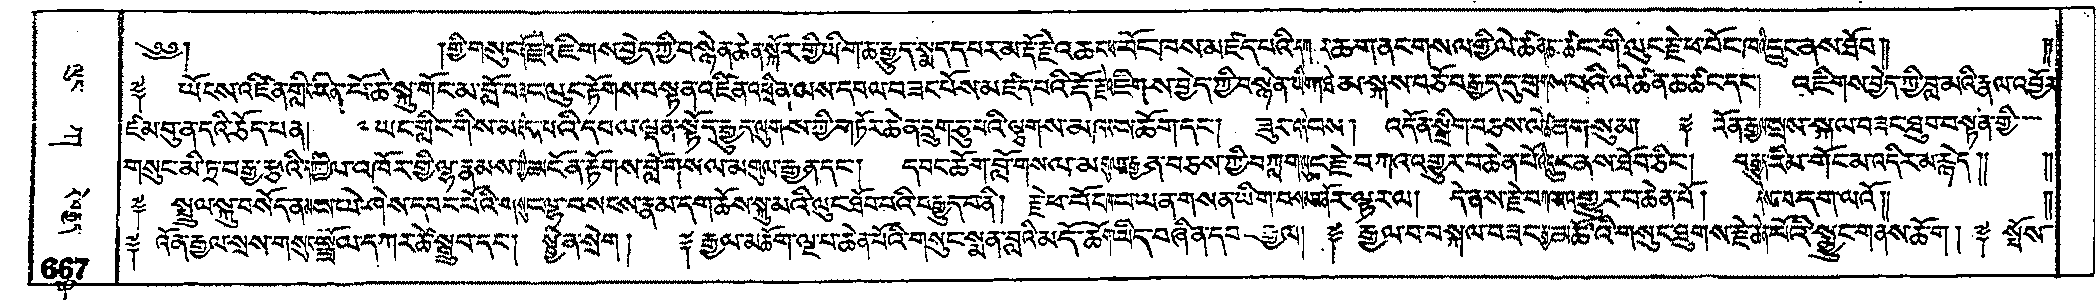༄༅། །གྱི་གསུང་རྡོ་རྗེ་འཇིགས་བྱེད་ཀྱི་བསྙེན་ཆེན་སྐོར་གྱི་ཡིག་ཆ་རྒྱུད་སྨད་དཔར་མ་རྡོ་རྗེ་འཆང་ཕ་བོང་ཁས་མཛད་པའི་དཀར་ཆག་ནང་གསལ་གྱི་ལེ་ཚན་ཆ་ཚང་གི་ལུང་རྗེ་ཕ་བོང་ཁའི་དྲུང་ནས་ཐོབ།། །།
འ་ཡོངས་འཛིན་གླིང་རིན་པོ་ཆེ་སྐུ་གོང་མ་བློ་བཟང་ལུང་རྟོགས་བསྟན་འཛིན་འཕྲིན་ལས་དཔལ་བཟང་པོས་མཛད་པའི་རྡོ་རྗེ་འཇིགས་བྱེད་ཀྱི་བསྙེན་ཡིག་ཐེམ་སྐས་བཅོ་བརྒྱད་དུ་གྲགས་པའི་ལེ་ཚན་ཆ་ཚང་དང་། འཇིགས་བྱེད་ཀྱི་བླ་མའི་རྣལ་འབྱོར་
ཛམ་བུ་ན་དའི་ཅོད་པན། ༧ཡང་གླིང་གིས་མཛད་པའི་དཔལ་ལྡན་སྟོད་རྒྱུད་ལུགས་ཀྱི་གཏོར་ཆེན་དྲུག་ཅུ་པའི་ལྕགས་མཁར་ས་ཆོག་དང་། ཟུར་འདེབས། འདོན་སྒྲིག་བཅས་ལེ་ཚན་གསུམ། འ་འོན་རྒྱལ་སྲས་སྐལ་བཟང་ཐུབ་བསྟན་གྱི་
གསུང་མི་ཏྲ་བརྒྱ་རྩའི་དཀྱིལ་འཁོར་གྱི་ལྷ་རྣམས་ཀྱི་མངོན་རྟོགས་བློ་གསལ་མགུལ་རྒྱན་དང་། དབང་ཆོག་བློ་གསལ་མགུལ་རྒྱན་བཅས་ཀྱི་བཀླག་ལུང་རྗེ་བཀའ་འགྱུར་བ་ཆེན་པོའི་དྲུང་ནས་ཐོབ་ཅིང་། བརྒྱུད་རིམ་གོང་མ་འདིར་མ་རྙེད།། །།
འ་སྤྲུལ་སྐུ་བསོད་ནམས་ཡེ་ཤེས་དབང་པོའི་གསུང་ལྷ་བསངས་རྣམ་དག་ཆོས་སྐུ་མའི་ལུང་ཐོབ་པའི་བརྒྱུད་པ་ནི། རྗེ་ཕ་བོང་ཁ་པ་ཡན་གསན་ཡིག་བསམ་ནོར་ལྟར་ལ། དེ་ནས་རྗེ་བཀའ་འགྱུར་བ་ཆེན་པོ། དེས་བདག་ལའོ།། །།
འ་འོན་རྒྱལ་སྲས་གསུང་སྒྲོལ་དཀར་ཚེ་སྒྲུབ་དང་། སྦྱིན་སྲེག། འ་རྒྱལ་མཆོག་ལྔ་པ་ཆེན་པོའི་གསུང་སྨན་བླའི་མདོ་ཆོག་ཡིད་བཞིན་དབང་རྒྱལ། འ་རྒྱལ་བ་བསྐལ་བཟང་རྒྱ་མཚོའི་གསུང་ཐུགས་རྗེ་ཆེན་པོའི་སྨྱུང་གནས་ཆོ་ག། འ་སྤོས་